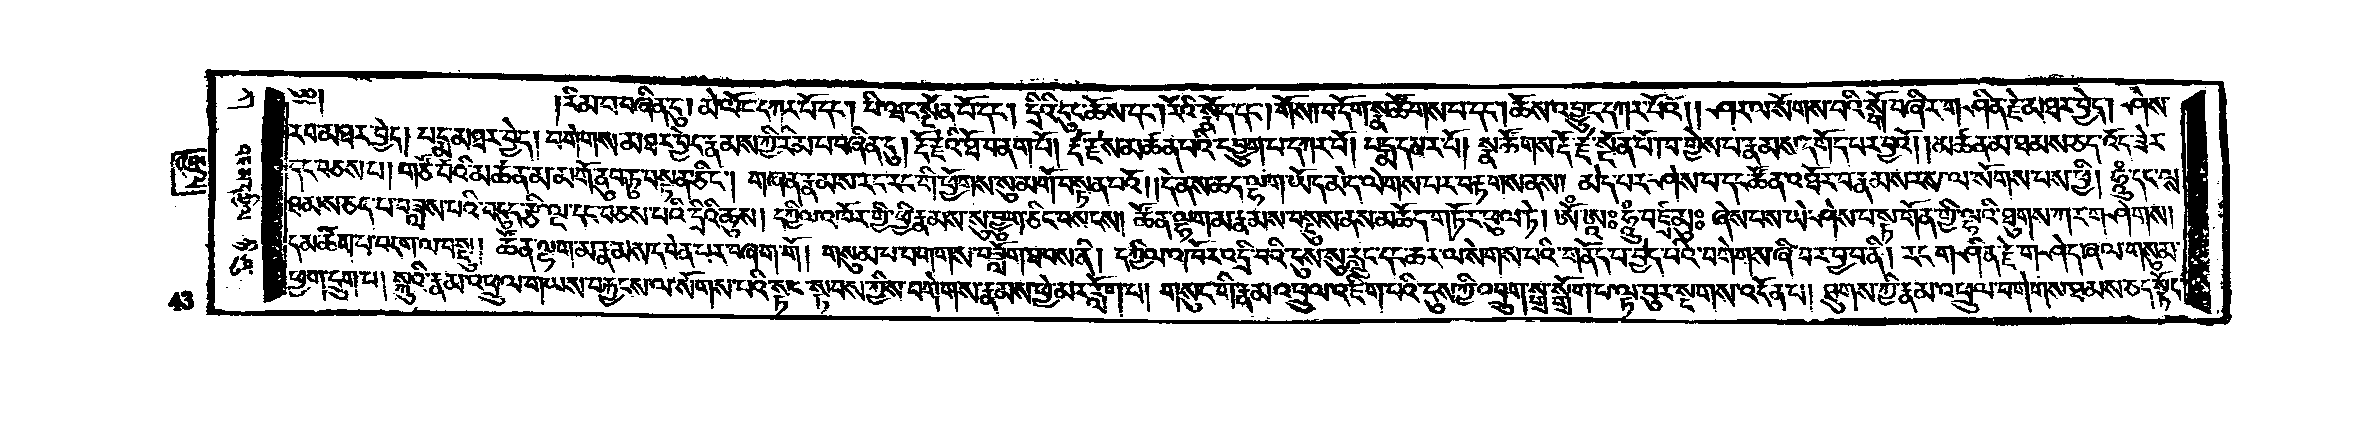༄༅། །རིམ་པ་བཞིན་དུ། མེ་ལོང་དཀར་པོ་དང་། པི་ཝང་སྔོན་པོ་དང་། དྲིའི་དུང་ཆོས་དང་། རོའི་སྣོད་དང་། གོས་ཁ་དོག་སྣ་ཚོགས་པ་དང་། ཆོས་འབྱུང་དཀར་པོའོ། །ཤར་ལ་སོགས་པའི་སྒོ་བཞིར་གཤིན་རྗེ་མཐར་བྱེད། ཤེས་
རབ་མཐར་བྱེད། པདམ་མཐར་བྱེད། བགེགས་མཐར་བྱེད་རྣམས་ཀྱི་རིམ་པ་བཞིན་དུ། རྡོ་རྗེའི་ཐོ་བ་ནག་པོ། རྡོ་རྗེས་མཚན་པའི་དབྱུག་པ་དཀར་པོ། པདམ་དམར་པོ། སྣ་ཚོགས་རྡོ་རྗེ་སྔོན་པོ་ཁ་གྱིས་པ་རྣམས་དགོད་པར་བྱའོ། །མཚན་མ་ཐམས་ཅད་འོད་ཟེར་
དང་བཅས་པ། གཙོ་བོའི་མཚན་མ་མགོ་ནུབ་ཏུ་བསྟན་ཅིང་། གཞན་རྣམས་རང་རང་གི་ཕྱོགས་སུ་མགོ་བསྟན་པའོ། །དེ་ནས་ཆད་ལྷག་ཡོད་མེད་ལེགས་པར་བརྟགས་ནས། མེད་པར་ཤེས་པ་དང་ཚོན་འཐོར་བ་རྣམས་རས་ལ་སོགས་པས་ཕྱི། ཧཱུཾ་དང་ལས་
ཐམས་ཅད་པ་བཟླས་པའི་བདུད་རྩི་ལྔ་དང་བཅས་པའི་དྲིའི་ཆུས། དཀྱིལ་འཁོར་གྱི་ཕྱི་རྣམས་སུ་བྱུག་ཅིང་བསངས། ཚོན་ལྷག་མ་རྣམས་བསྡུས་ནས་མཆོད་གཏོར་ཕུལ་ཏེ། ཨོཾ་ཨཱཿ ཧཱུཾ་བཛྲ་མུཿ ཞེས་པས་ཡེ་ཤེས་པ་སྟ་གོན་གྱི་ལྷའི་ཐུགས་ཀར་གཤེགས། དམ་ཚིག་པ་བདག་ལ་བསྡུ། ཚོན་ལྷག་མ་རྣམས་དབེན་པར་བཞག་གོ །གསུམ་པ་བགགས་བཟློག་ཐབས་ནི། དཀྱིལ་འཁོར་འདྲི་བའི་དུས་སུ་རླུང་དང་ཆར་ལ་སེགས་པའི་གནོད་པ་བྱེད་པའི་བགེགས་ཞི་བར་བྱ་བ་ནི། རང་གཤིན་རྗེ་གཤེད་ཞལ་གསུམ་
ཕྱག་དྲུག་པ། སྐུའི་རྣམ་འཕྲུལ་གཡས་བརྐྱངས་ལ་སོགས་པའི་སྟང་སྟབས་ཀྱིས་བགེགས་རྣམས་ཕྱེ་མར་རློག་པ། གསུང་གི་རྣམ་འཕྲུལ་འཇིག་པའི་དུས་ཀྱི་འབྲུག་སྒྲ་སྒྲོག་པ་ལྟ་བུར་སྔགས་འདོན་པ། ཐུགས་ཀྱི་རྣམ་འཕྲུལ་བགེགས་ཐམས་ཅད་སྟོང་